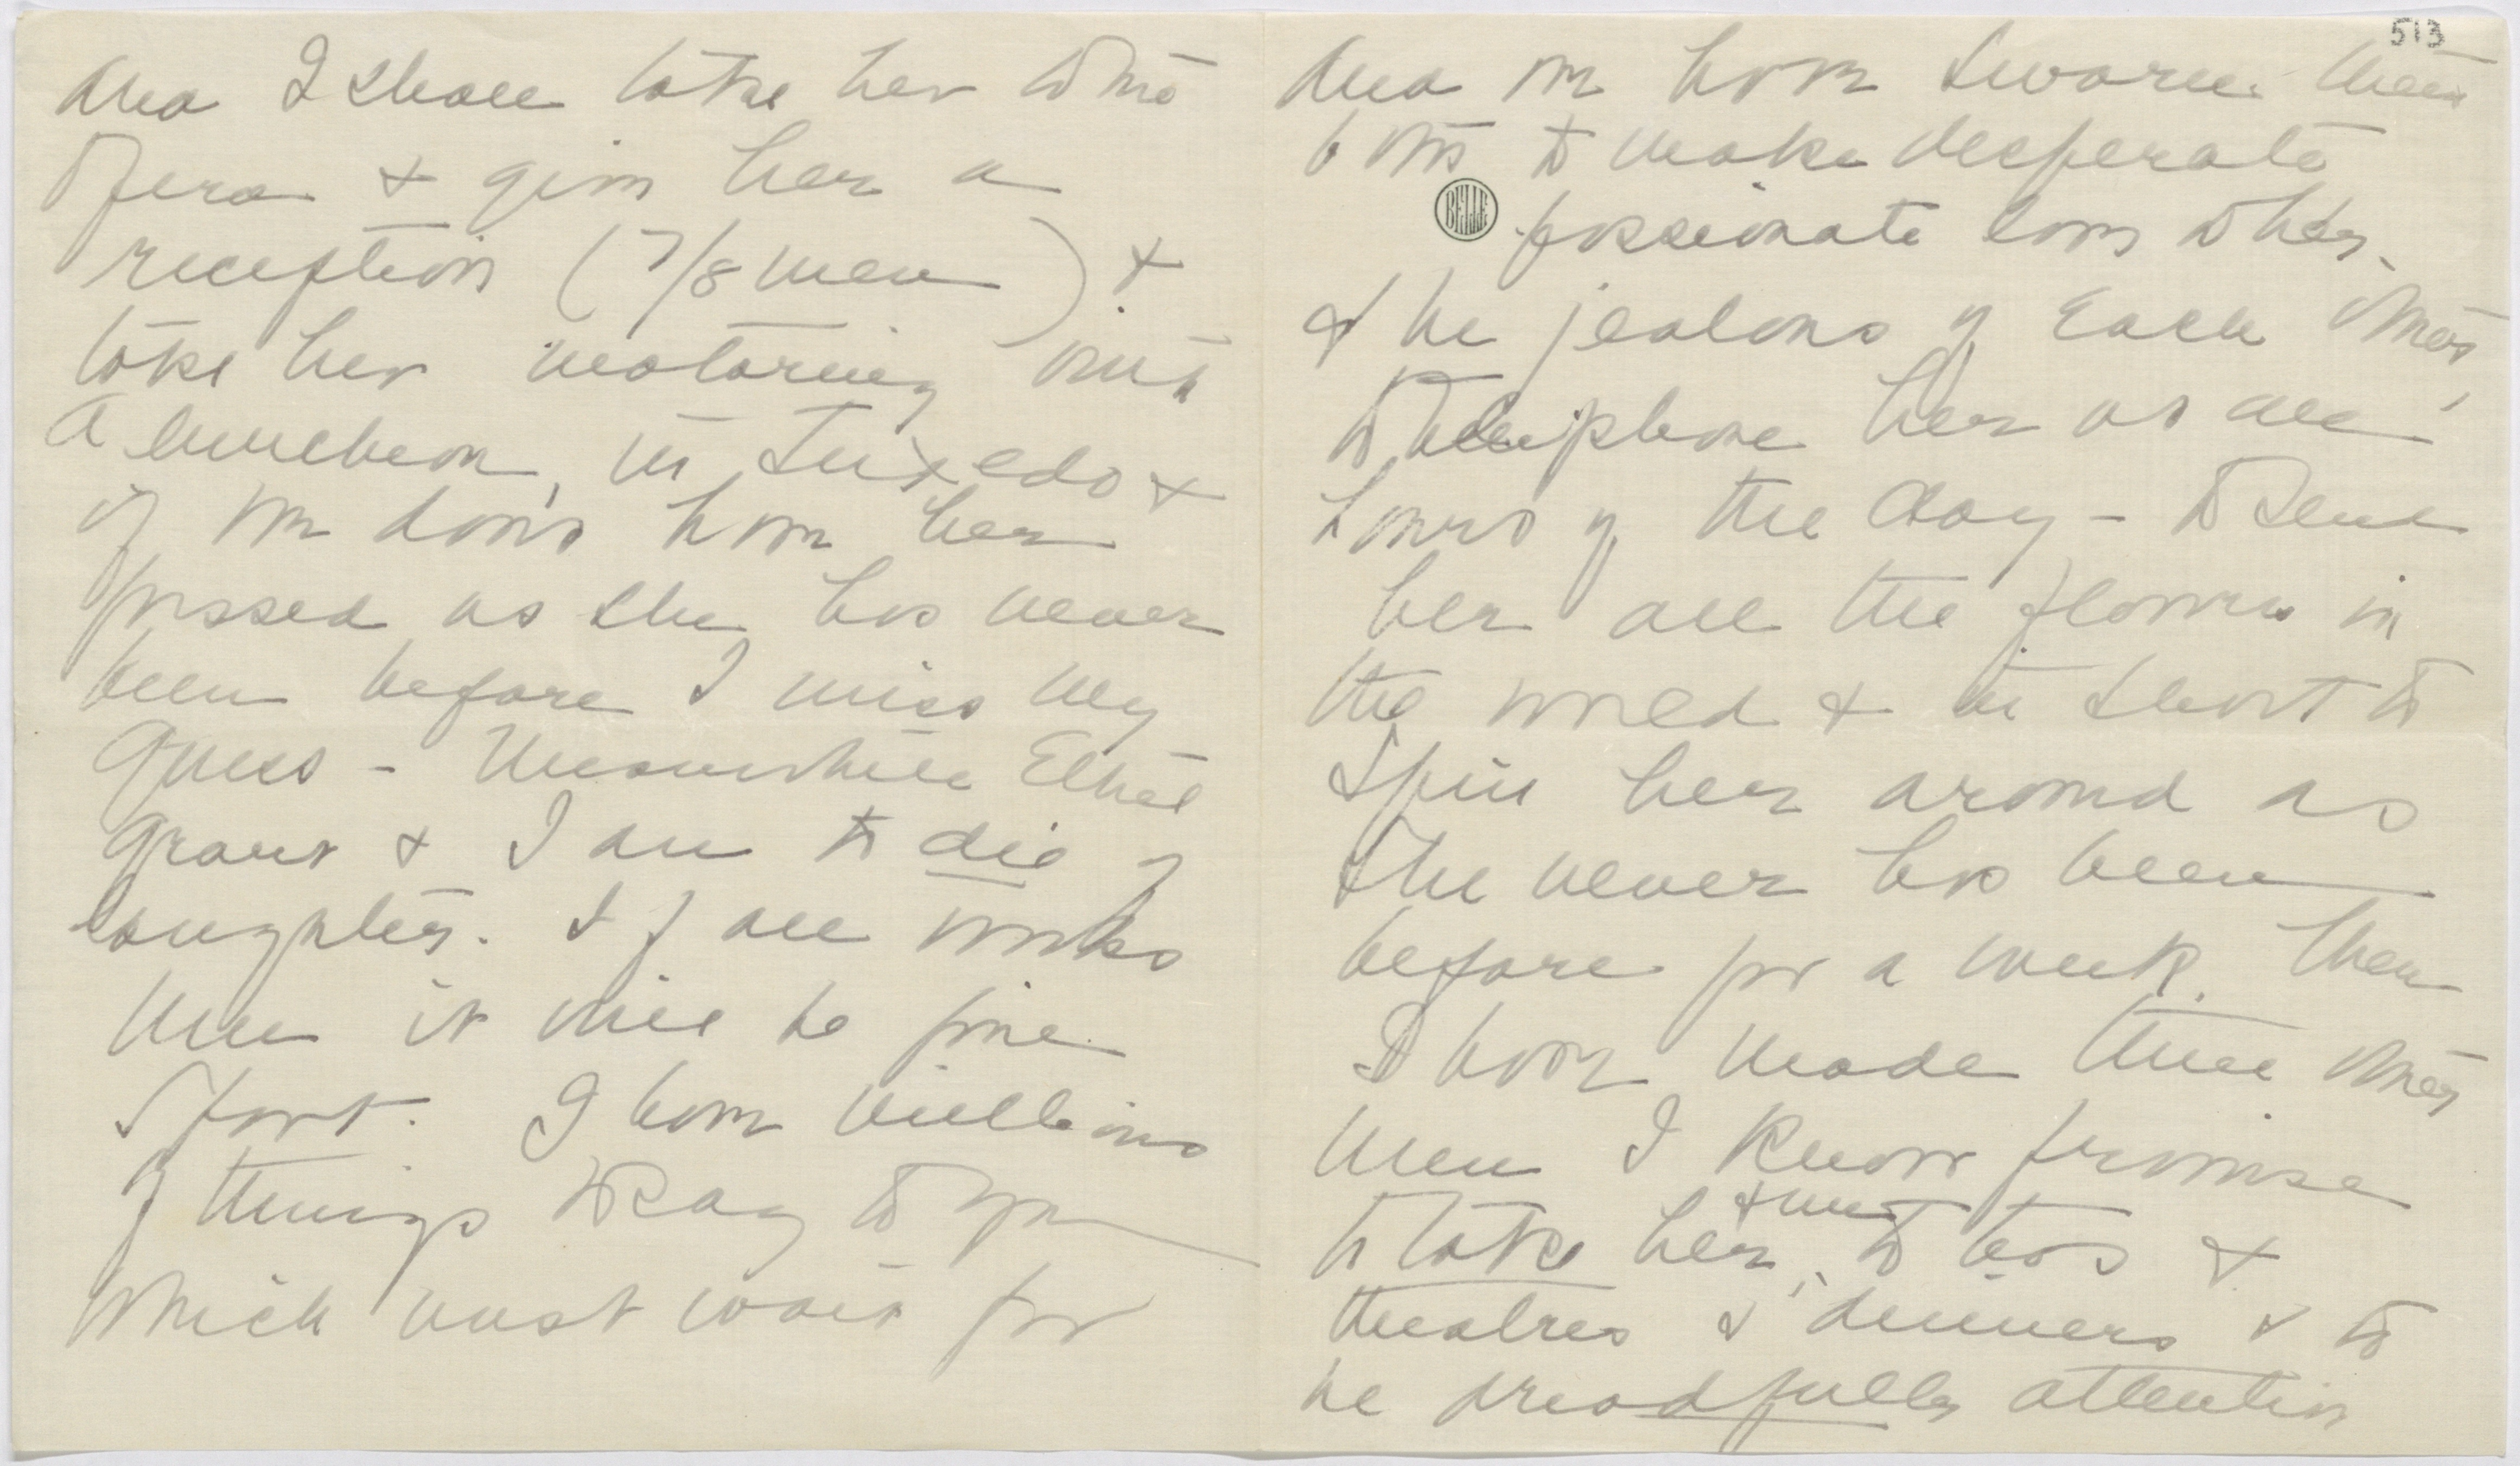and we have sworn them both to make desperate passionate love to her & be jealous of each other, & telephone her at all hours of the day – to send her all the flowers in the world & in short to spin her around as she never has been before for a week. Then I have made three other men I know promise to take her [^& me^] to teas & theatres & dinners & to be dreadfully attentive
and I shall take her to the opera & give her a reception (7/8 men) & take her motoring with a luncheon in Tuxedo & if we don’t have her fussed as she has never been before I miss my guess – Meanwhile Ethel Grant & I am to die of laughter. If all works well it will be fine sport. I have millions of things to say to you which must wait for